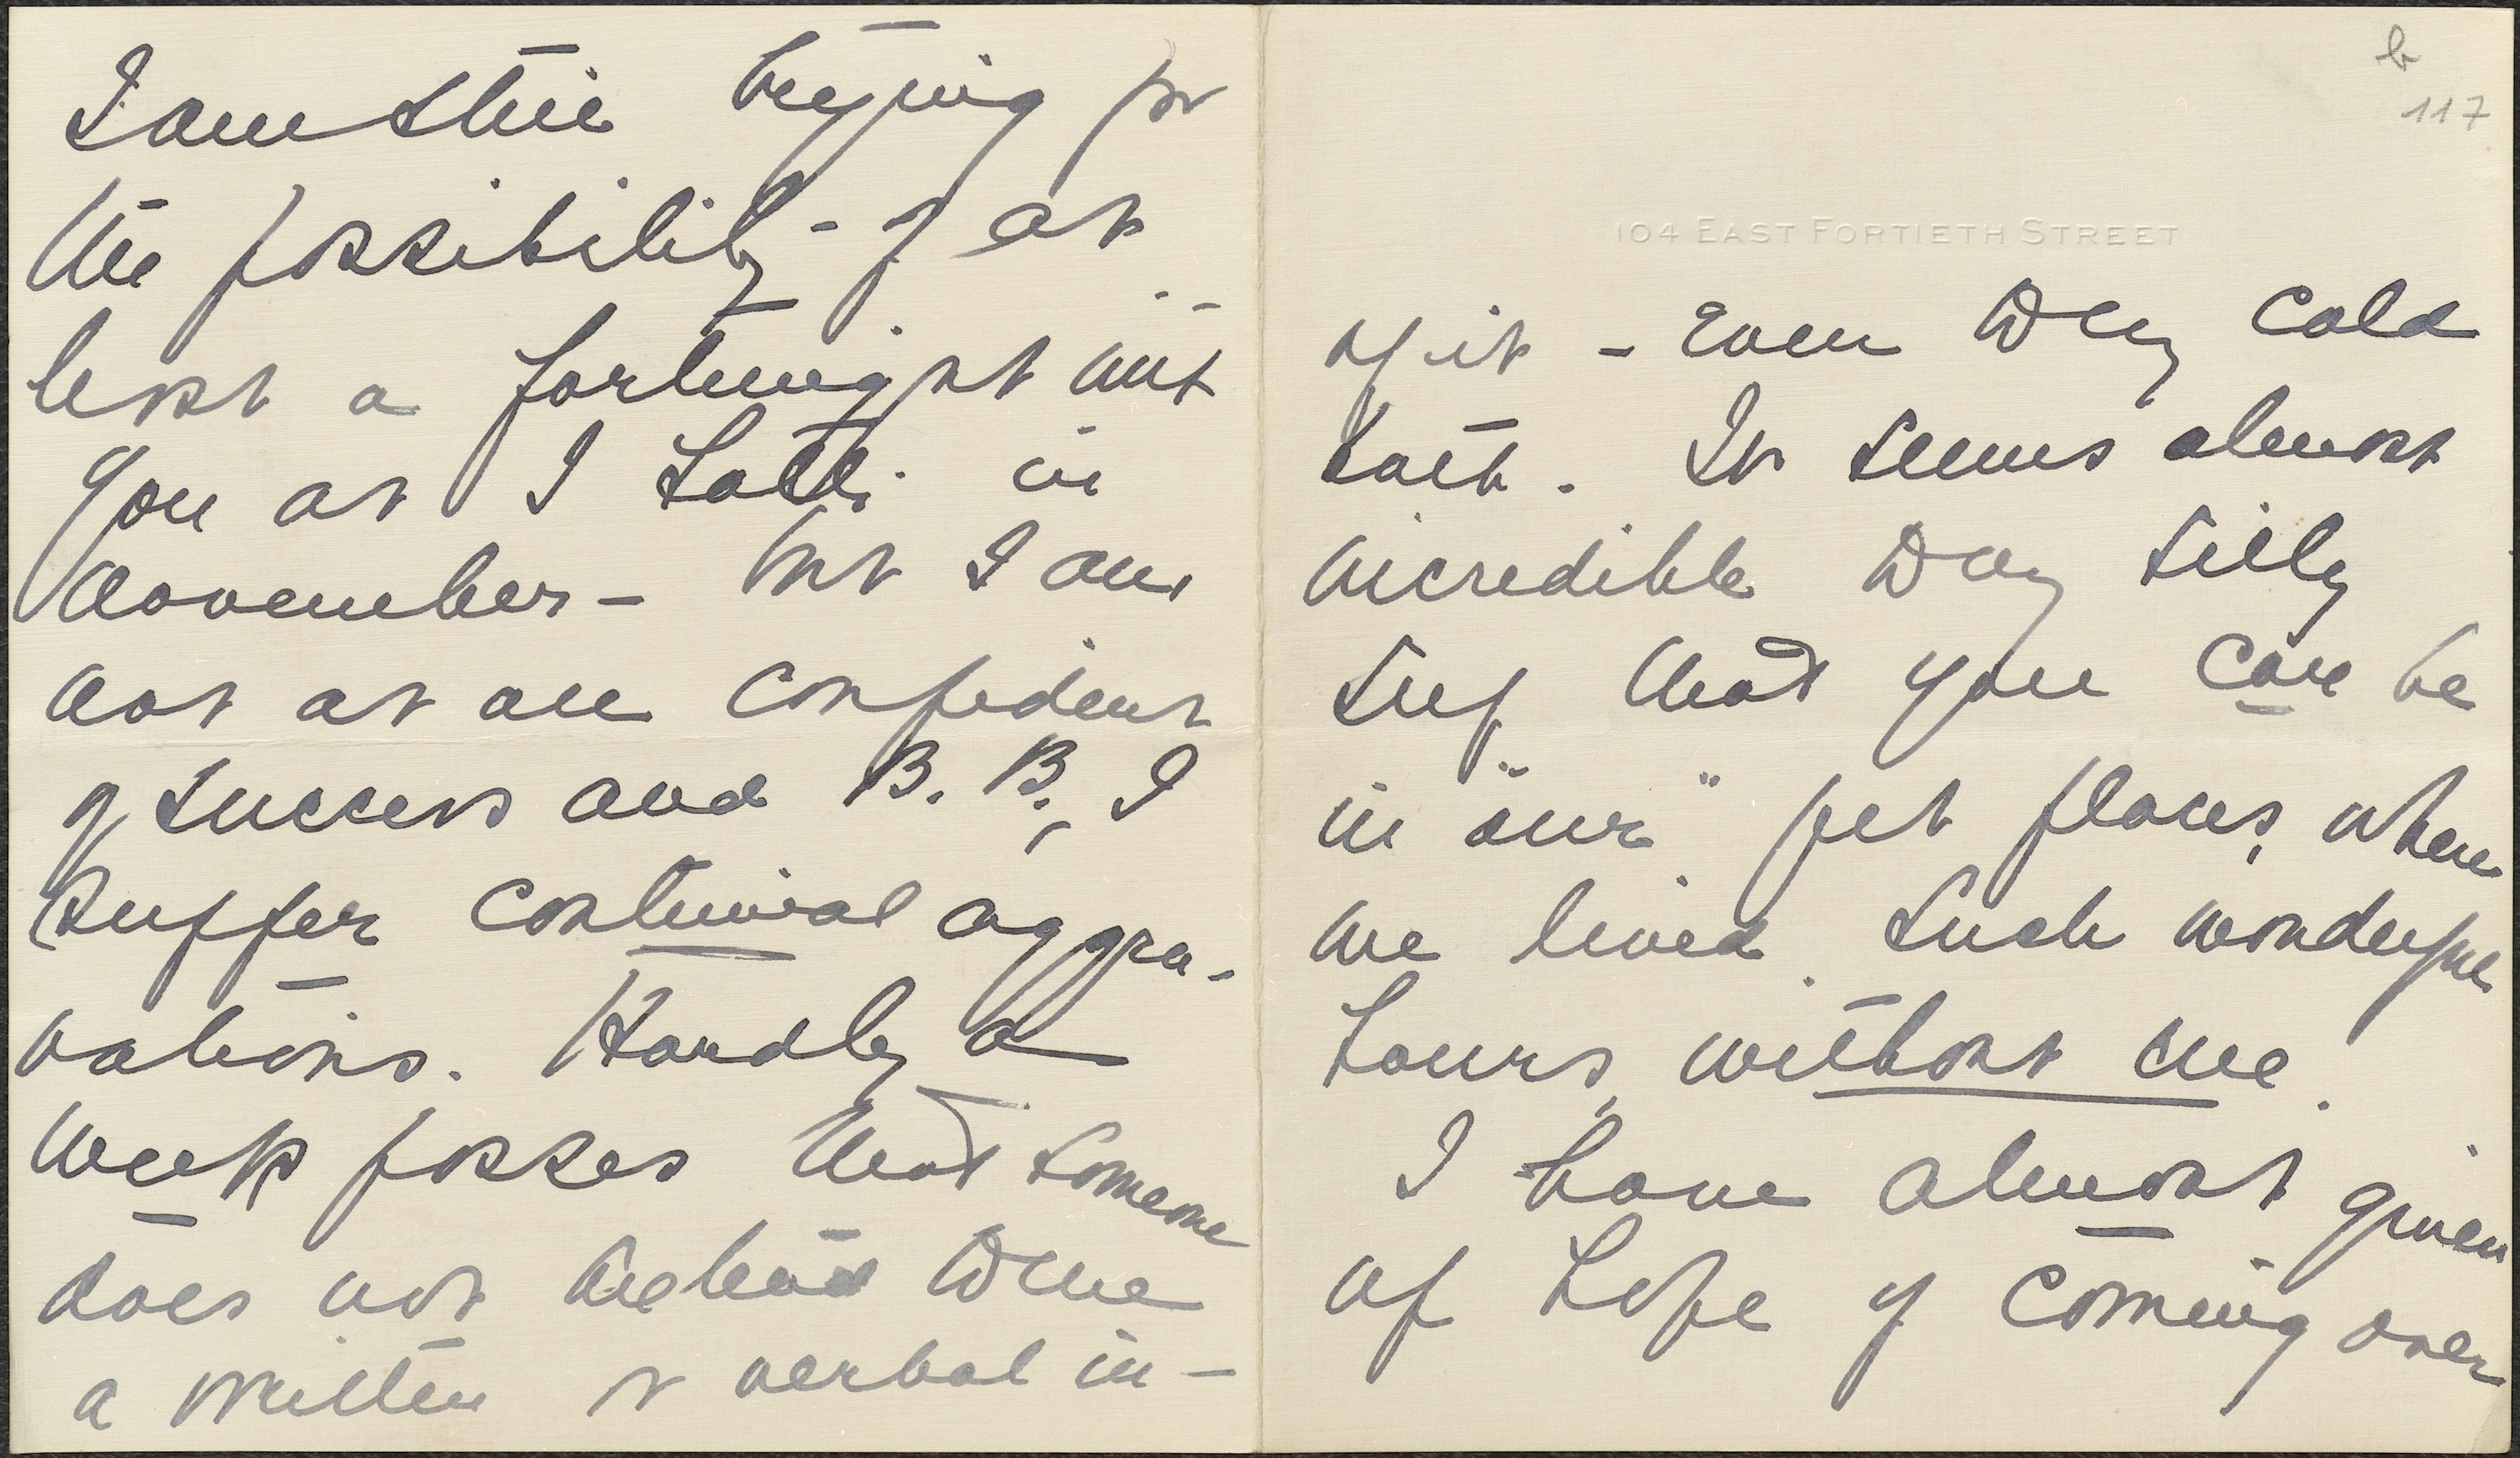of it – even to my cold bath. It seems almost incredible to my silly self that you can be in “our” pet places, where we lived. Such wonderful hours without me.
I have almost given up hope of coming over
I am still trying for the possibility – of at least a fortnight with you at I Tatti in November – but I am not at all confident of success and B. B., I suffer continual aggravations. Hardly a week passes that someone does not extend to me a written or verbal